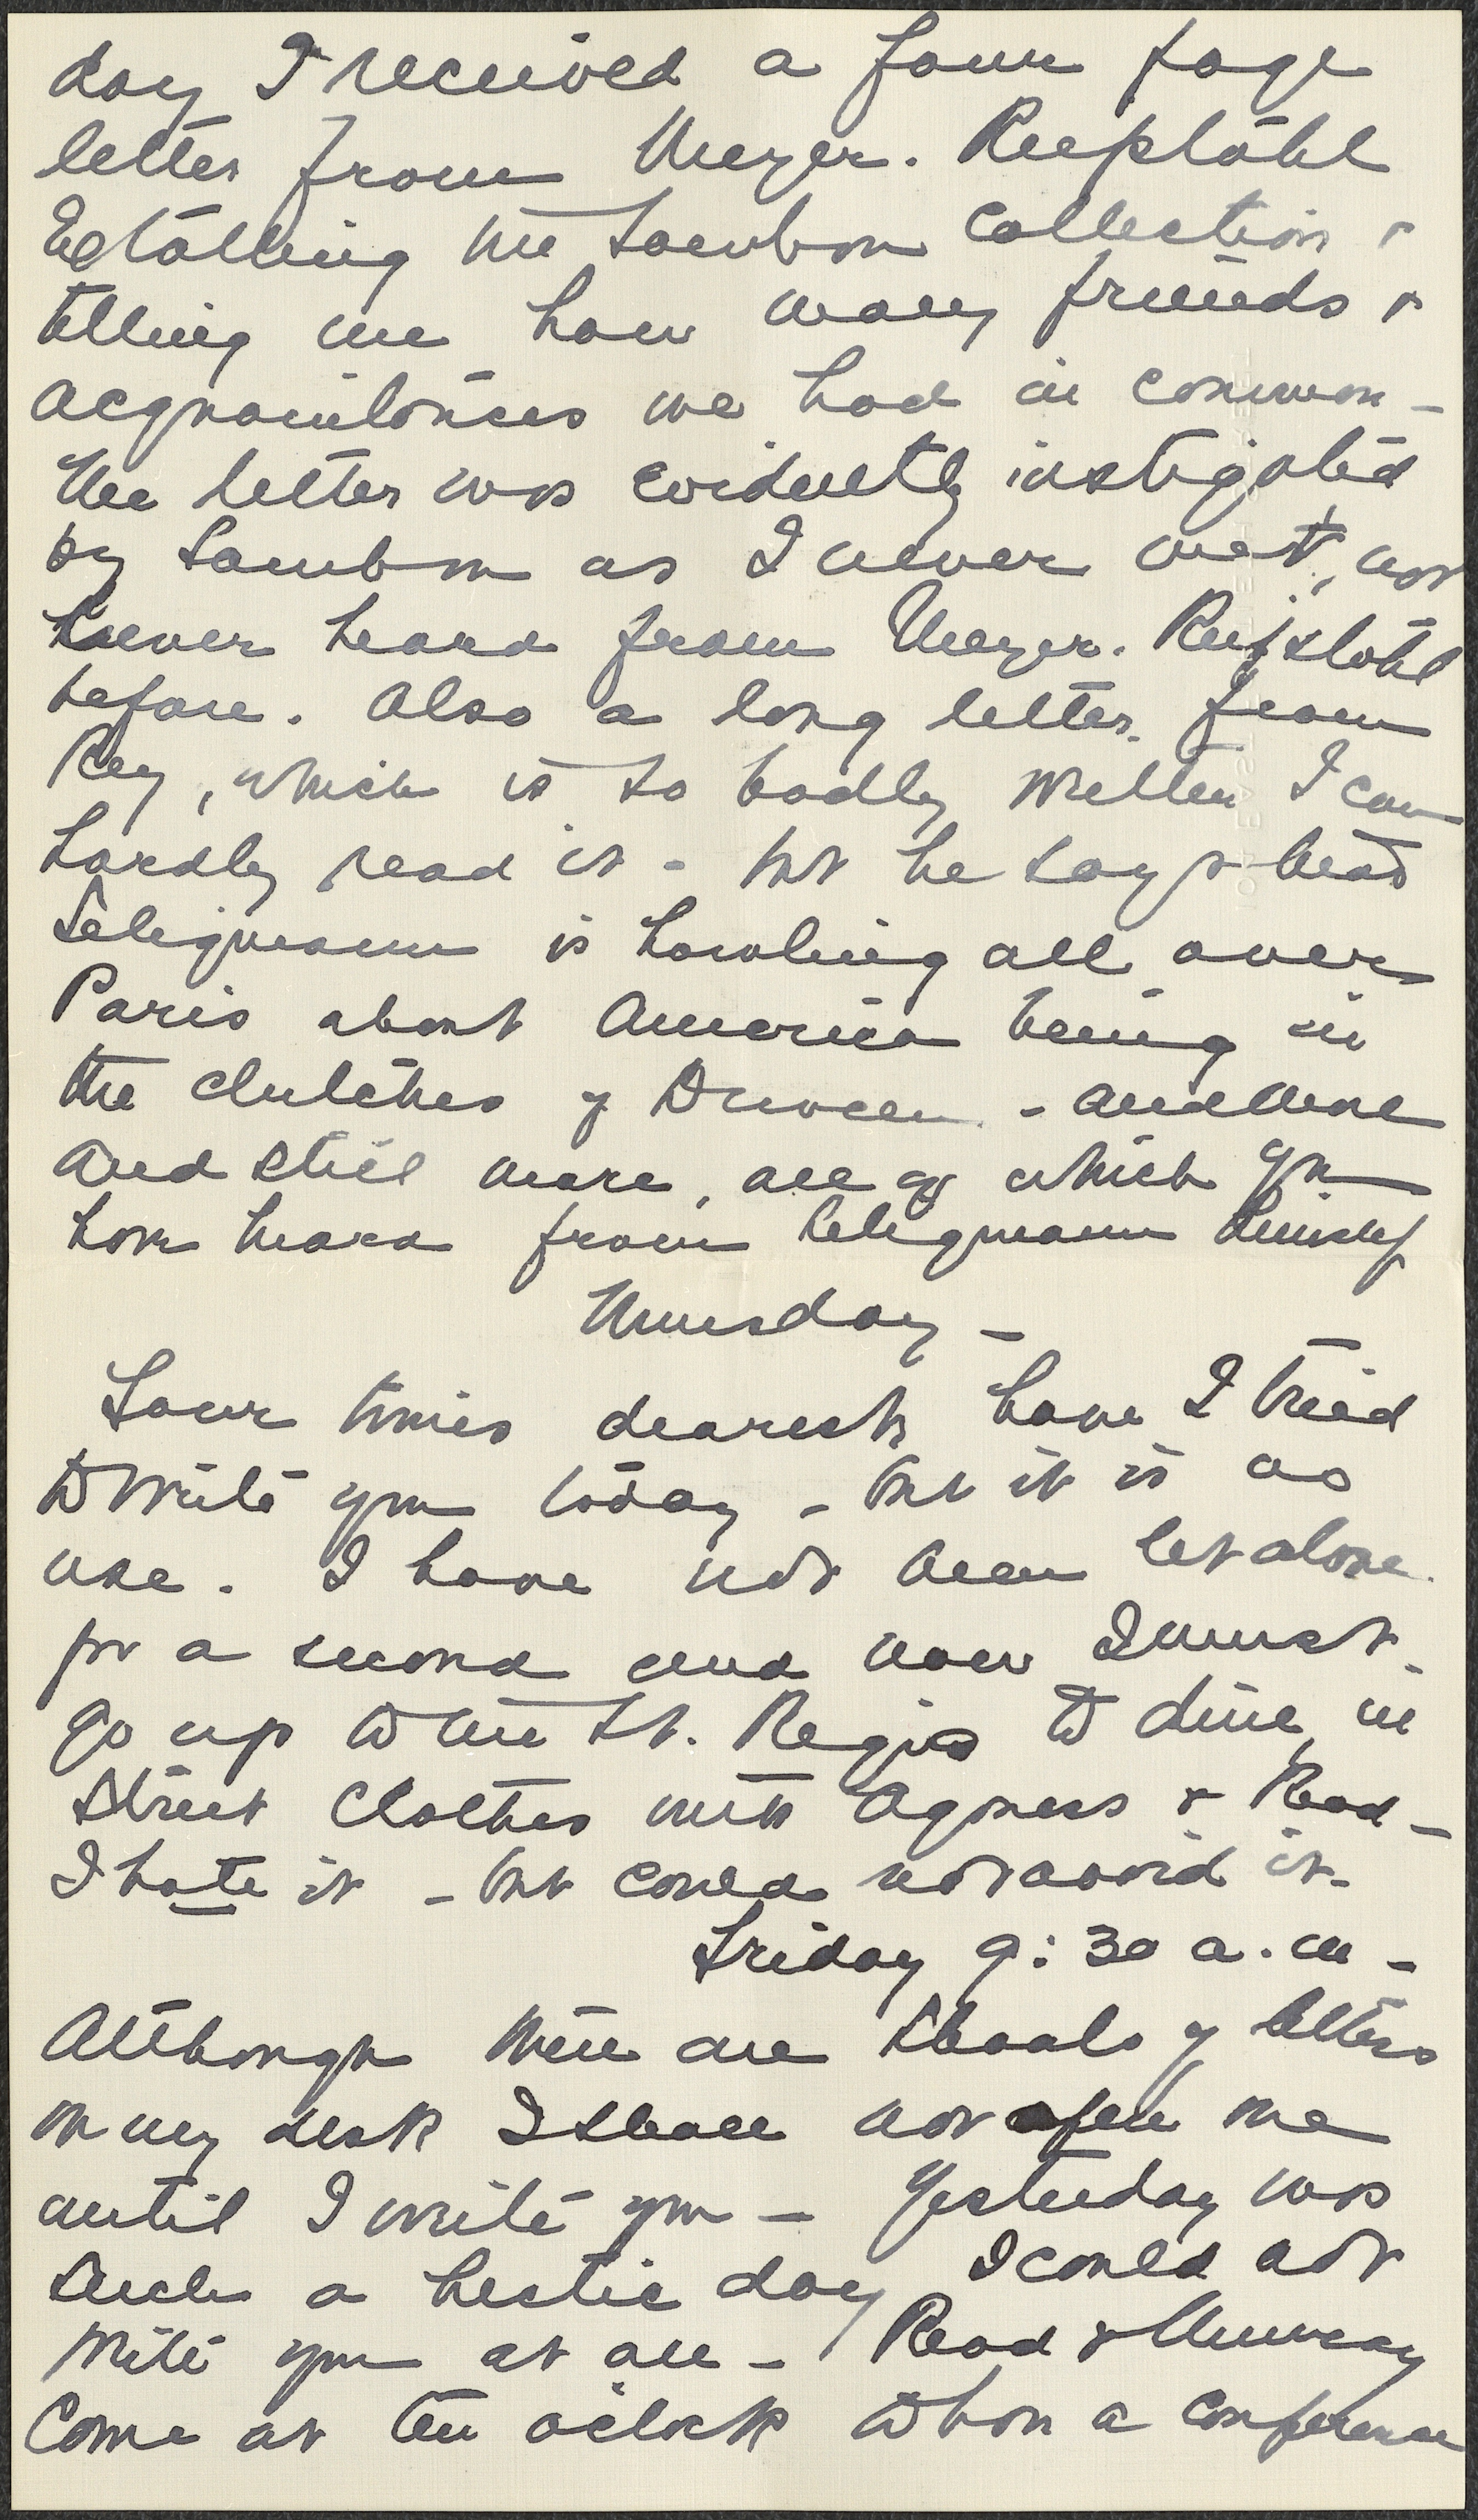I received a four page letter from Meyer-Riefstahl extolling the Sambon Collection & telling me how many friends & acquaintances we had in common – The letter was evidently instigated by Sambon as I never met, nor never heard from Meyer-Riefstahl before. Also a long letter from Rey, which is so badly written I can hardly read it – but he says that Seligmann is howling all over Paris about America being in the clutches of Duveen – and more and still more, all of which you have heard from Seligmann himself
Thursday –
Four times dearest have I tried to write you today – but it is no use. I have not been let alone for a second and now I must go up to the St. Regis to dine in street clothes with Agoness & Read – I hate it – but could not avoid it –
Friday 9:30 a.m –
Although there are shoals of letters on my desk I shall not open one until I write you – Yesterday was such a hectic day I could not write you at all – Read & Murray came at ten o'clock to have a conference